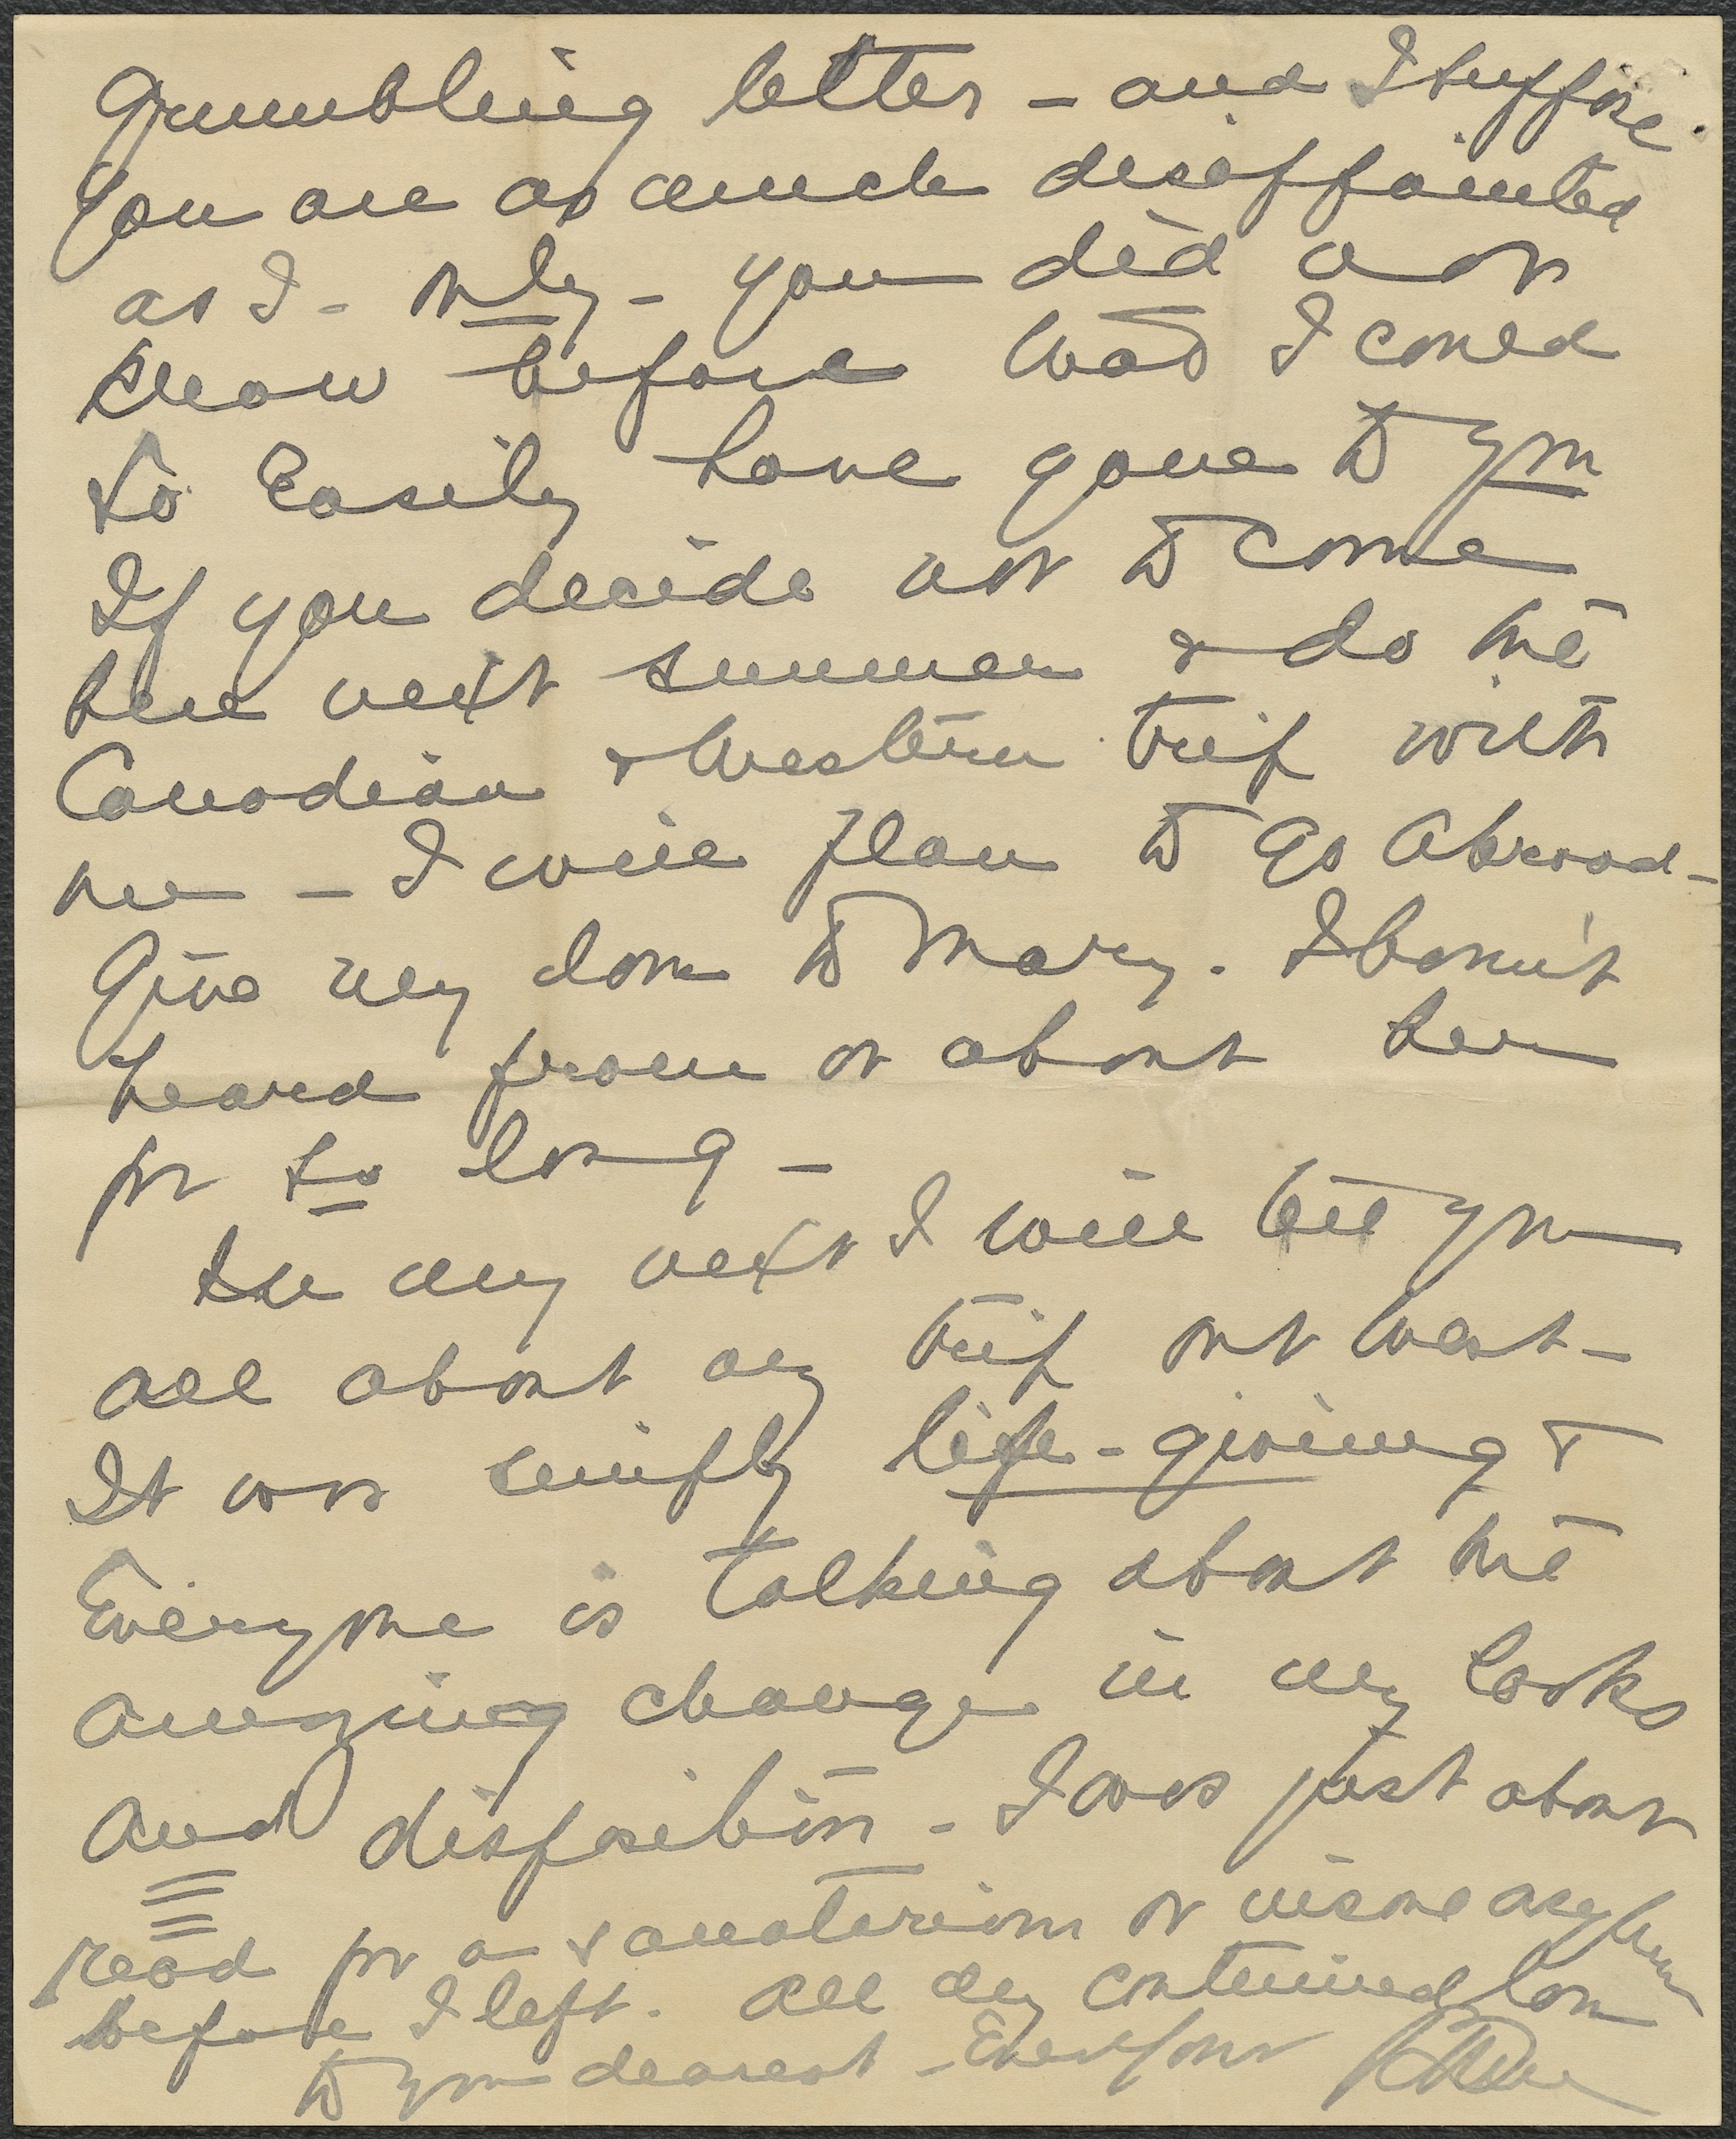grumbling letter – and I suppose you are as much disappointed as I – only – you did not know before that I could so easily have gave to you If you decide not to come here next summer & do the Canadian & Western trip with me – I will plan to go abroad – give my love to Mary. I haven’t heard from or about her for so long –
In my next I will tell you all about my trip out West – It was simply life-giving & everyone is talking about the amazing change in my look [quadruple underlined: and] disposition – I was just about read[y] for a sanatorium or insane asylum before I left. All my continued love to you dearest – Ever Your Belle